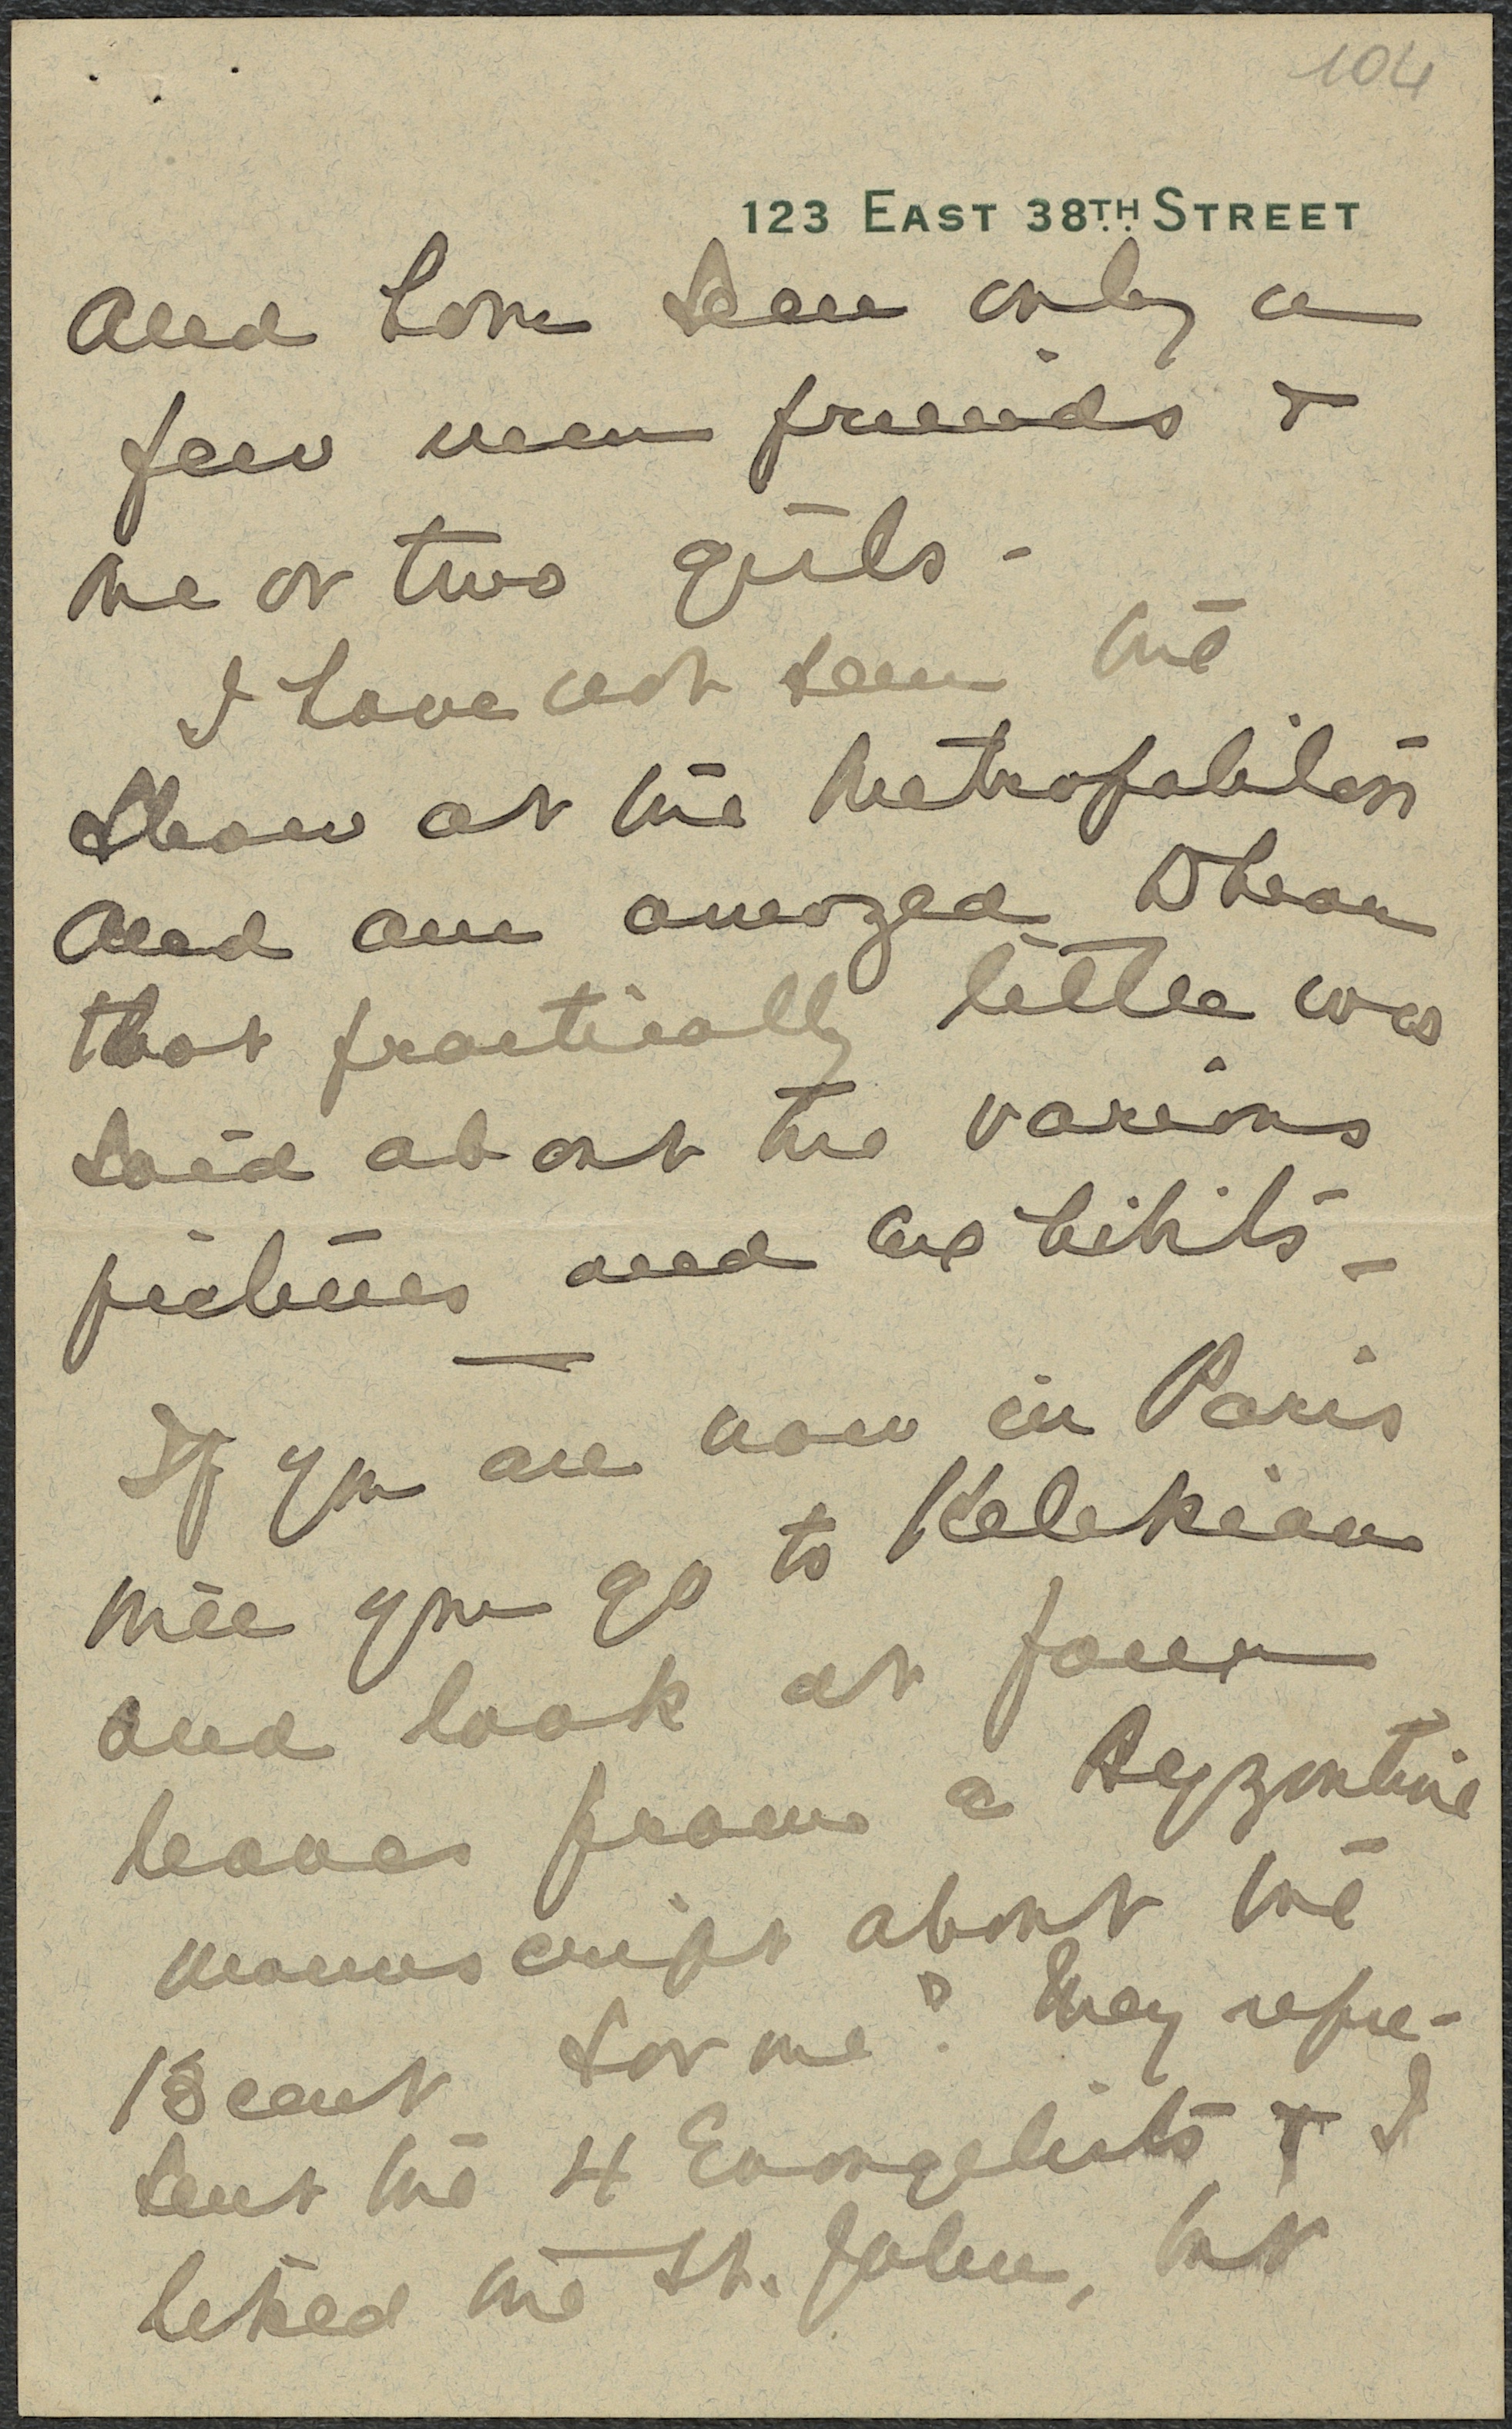and have seen only a few men friends & one or two girls –
I have not seen the show at the Metropolitan and am amazed to hear that practically little was said about the various pictures and exhibits –
If you are now in Paris will you go to Kelekian and look at four leaves from a Byzantine manuscript about the 13 cent for me? They represent the 4 Evangelists & I liked the St. John, but